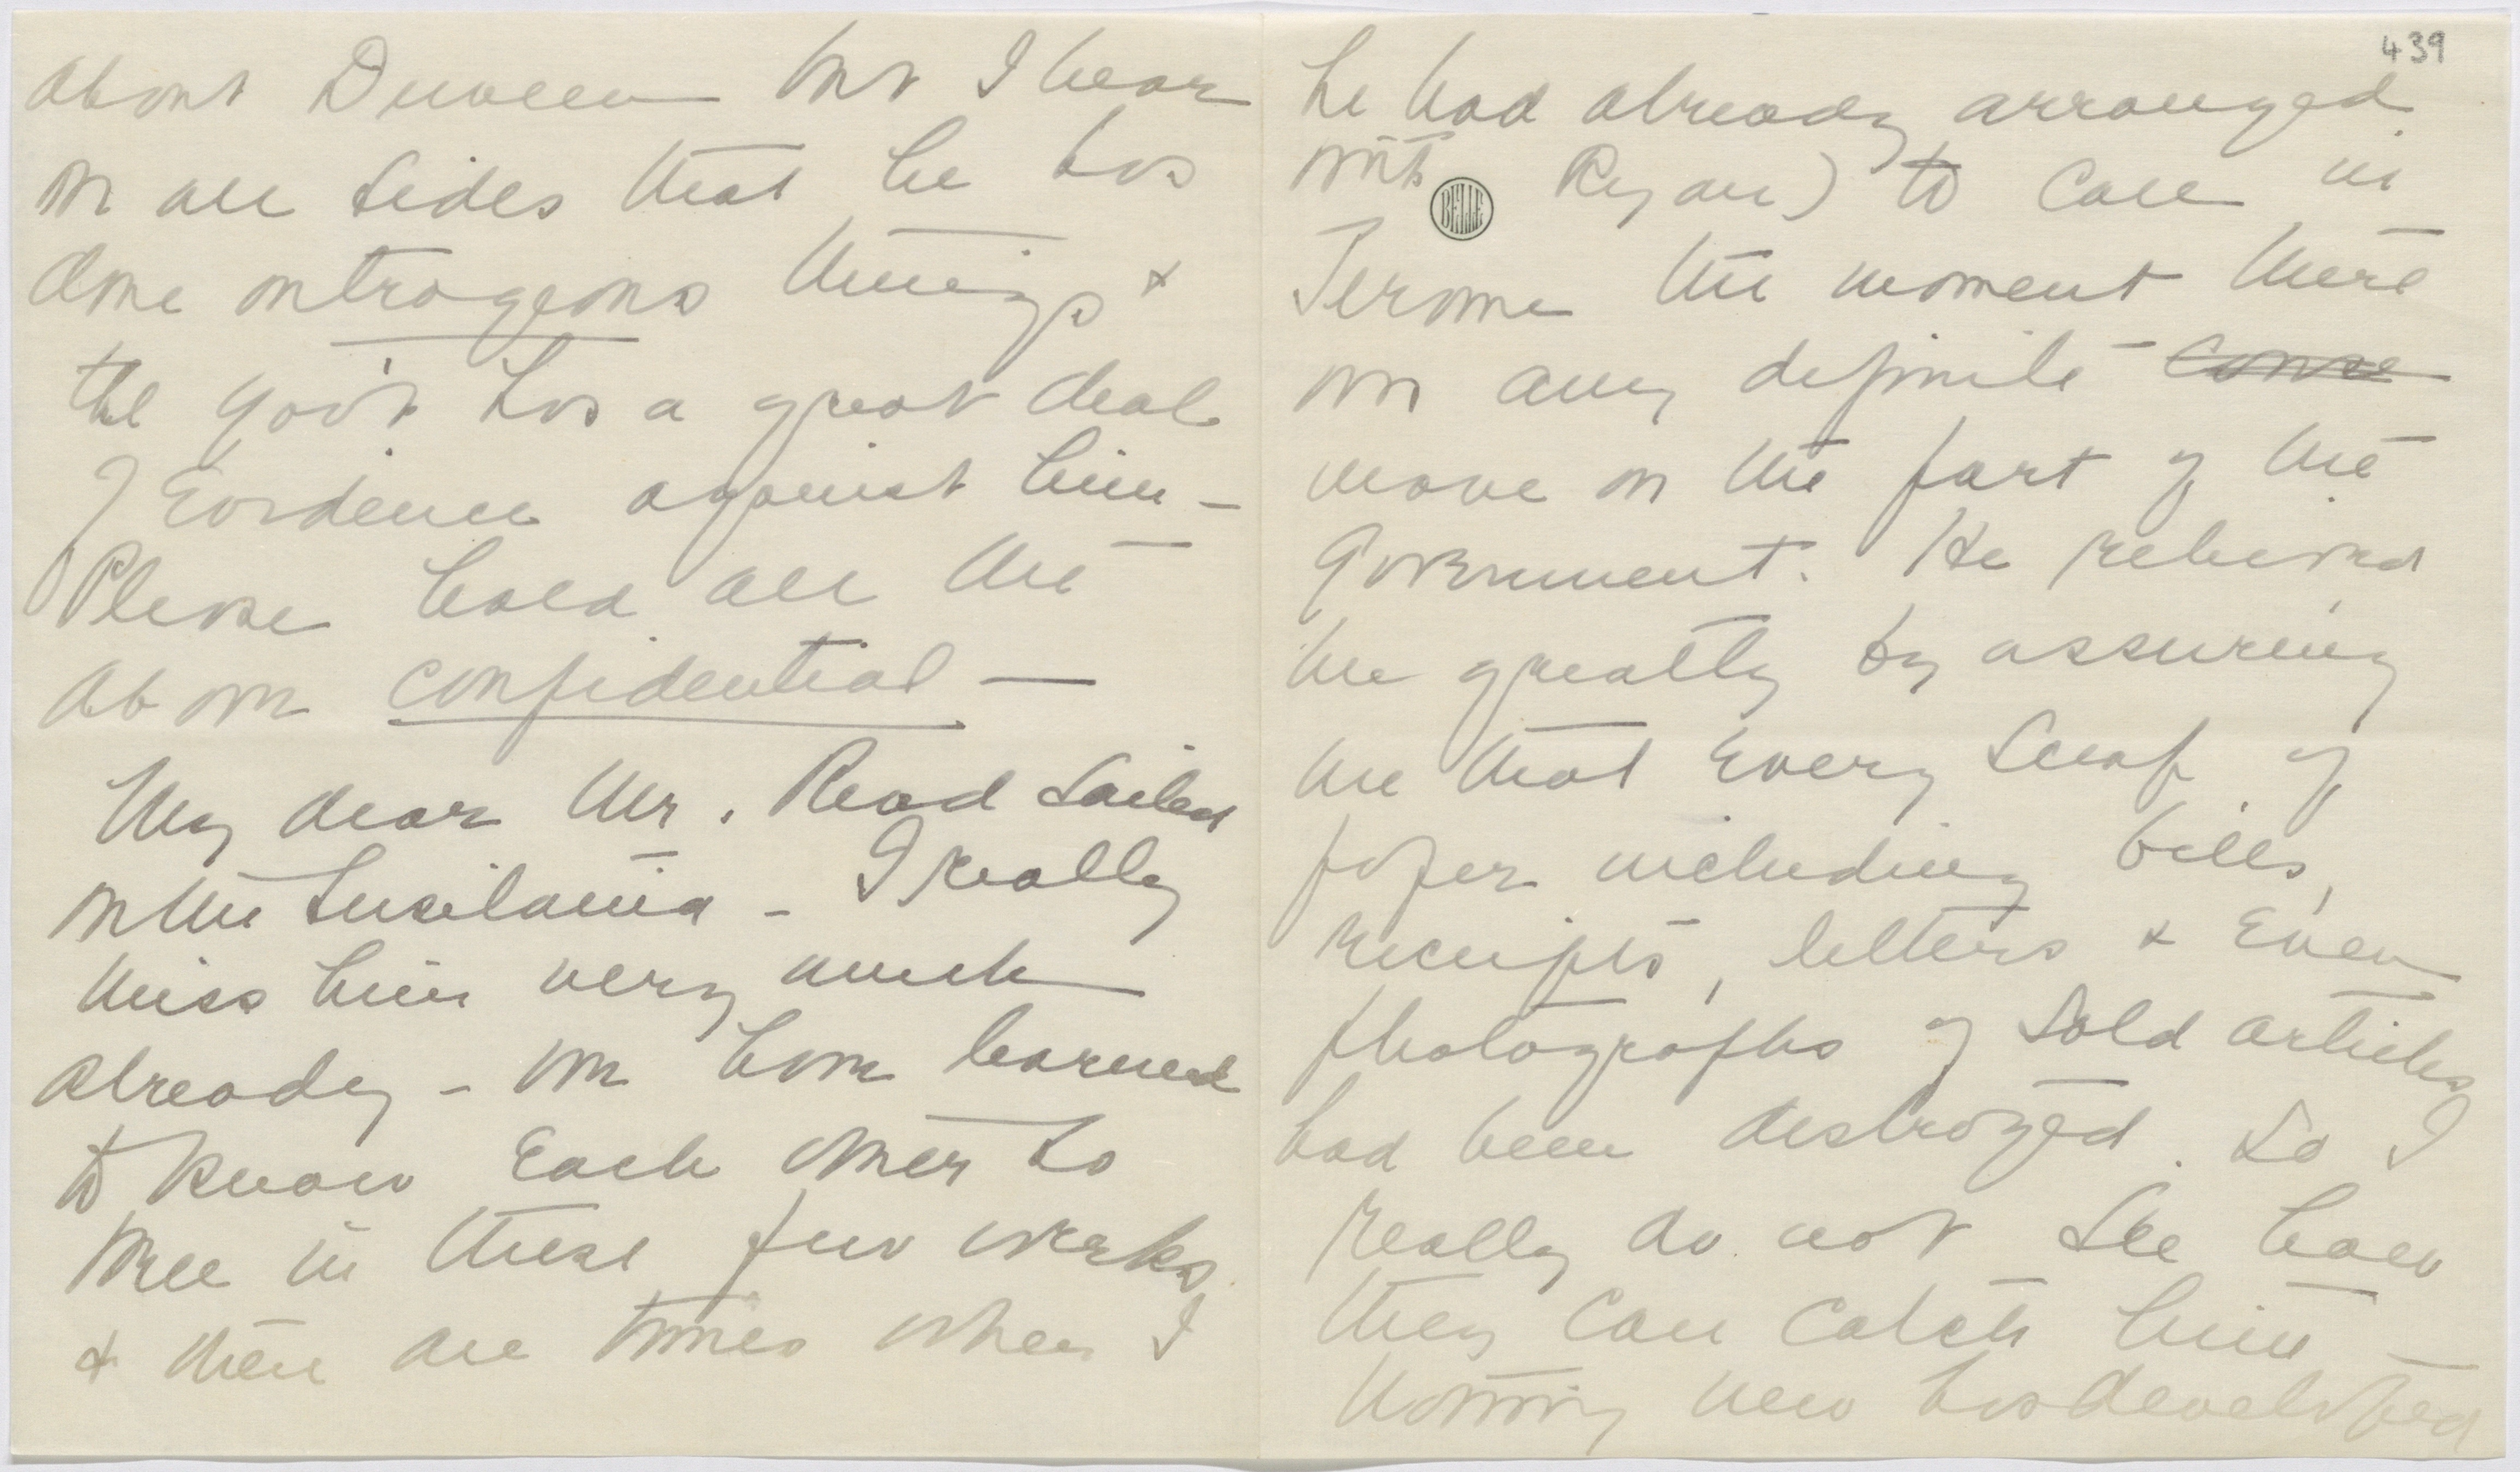he had already arranged with Ryan) to call in Jerome the moment there was any definite course move on the part of the government. He relieved me greatly by assuring me that every scrap of paper including bills, receipts, letters & even photographs of sold articles had been destroyed. So I really do not see how they can catch him – Nothing new has developed
about Duveen but I hear on all sides that he has done outrageous things & the gov’t has a great deal of evidence against him – Please hold all the above confidential –
My dear Mr. Read sailed on the Lusitania – I really miss him very much already – we have learned to know each other so well in these few weeks & there are times when I